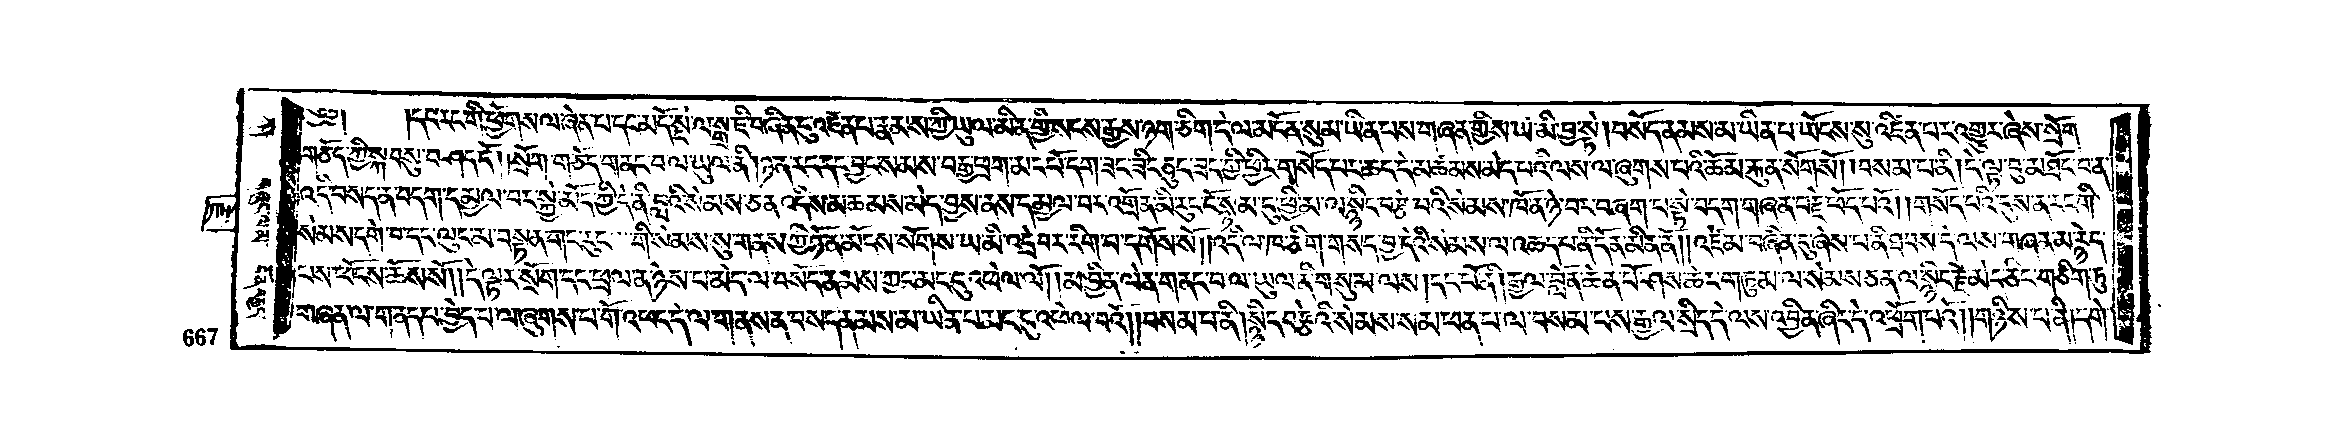༄༅། །དང་རང་གི་ཕྱོགས་ལ་ཞེན་པ་དང་མདོ་སྡེ་ལ་སྒྲ་ཇི་བཞིན་དུ་འཛིན་པ་རྣམས་ཀྱི་ཡུལ་མིན་གྱི་སངས་རྒྱས་ཉག་ཅིག་དེ་ལ་མངོན་སུམ་ཡིན་པས་གཞན་གྱིས་ཡི་མི་བྱ་སྟེ། བསོད་ནམས་མ་ཡིན་པ་ཡོངས་སུ་འཛིན་པར་འགྱུར་ཞེས་སྲོག་
གཅོད་ཀྱི་སྐབས་སུ་བཤད་དོ། །སྲོག་གཅོད་གནང་བ་ལ་ཡུལ་ནི། ཉན་རང་དང་བྱང་སེམས་བརྒྱ་ཕྲག་མང་པོ་དག་ཟང་ཟིང་ཅུང་ཟད་ཀྱི་ཕྱིར་གསོད་པར་ཆད་དེ་མཚམས་མེད་པའི་ལས་ལ་ཞུགས་པའི་ཚོམ་རྐུན་སོགས་སོ། །བསམ་པ་ནི། དེ་ལྟ་བུ་མཐོང་བ་ན་
འདི་བསད་ན་བདག་དམྱལ་བར་སྐྱེ་མོད་ཀྱི་དེ་ནི་བླའི་སེམས་ཅན་འདིས་མཚམས་མེད་བྱས་ནས་དམྱལ་བར་འགྲོན་མི་རུང་ངོ་སྙམ་དུ་ཕྱི་མ་ལ་སྙིང་བརྩེ་བའི་སེམས་ཁོ་ན་ཉེ་བར་བཞག་པ་སྟེ་བདག་གཞན་བརྗེ་ཕོད་པའོ། །གསོད་པའི་དུས་ན་རང་གི་
སེམས་དགེ་བ་དང་ལུང་མ་བསྟན་གང་རུང་གི་སེམས་སུ་གནས་ཀྱི་ཉོན་མོངས་སོགས་ཡ་མི་འདྲེ་བར་རིག་པ་དགོས་སོ། །འདི་ལ་ཁ་ཅིག་གསད་བྱ་དེའི་སེམས་ལ་འཆད་པ་ནི་དོན་མིན་ནོ། །འཛེམ་བཞིན་དུ་ཞེས་པ་ནི་ཐབས་དེ་ལས་གཞན་མ་རྙེད་
པས་ཕོངས་ཆོས་སོ། །དེ་ལྟར་སྲོག་དང་ཕྲལ་ན་ཉེས་པ་མེད་ལ་བསོད་ནམས་ཀྱང་མང་དུ་འཕེལ་ལོ། །མ་བྱིན་ལེན་གནང་བ་ལ་ཡུལ་ནི་གསུམ་ལས། དང་པོ་ནི། རྒྱལ་བློན་ཆེན་པོ་ཤས་ཆེར་གཏུམ་ལ་སེམས་ཅན་ལ་སྙིང་རྗེ་མེད་ཅིང་གཅིག་ཏུ་
གཞན་ལ་གནད་པ་བྱེད་པ་ལ་ཞུགས་པ་གོ་འཕང་དེ་ལ་གནས་ན་བསོད་ནམས་མ་ཡིན་པ་མང་དུ་འཕེལ་བའོ། །བསམ་པ་ནི། སྙིང་བརྩེའི་སེམས་སམ་ཕན་པ་ལ་བསམ་པས་རྒྱལ་སྲིད་དེ་ལས་འབྱིན་ཞིང་དེ་འཕྲོག་པའོ། །གཉིས་པ་ནི། དགེ་